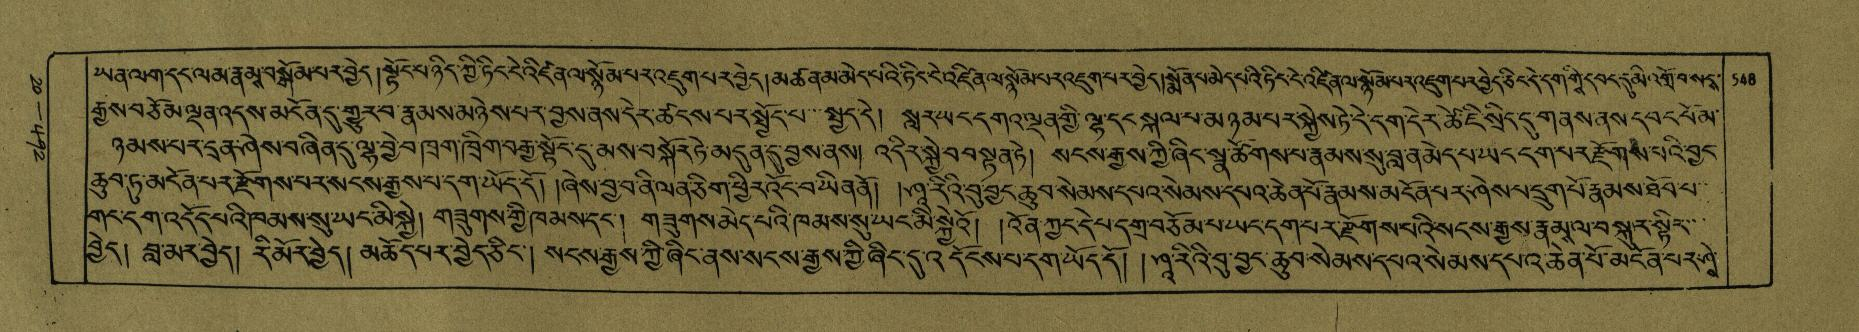ཡན་ལག་དང་ལམ་རྣམས་བསྒོམ་པར་བྱེད། སྟོང་པ་ཉིད་ཀྱི་ཏིང་ངེ་འཛིན་ལ་སྙོམ་པར་འཇུག་པར་བྱེད། མཚན་མ་མེད་པའི་ཏིང་ངེ་འཛིན་ལ་སྙོམ་པར་འཇུག་པར་བྱེད། སྨོན་པ་མེད་པའི་ཏིང་ངེ་འཛིན་ལ་སྙོམ་པར་འཇུག་པར་བྱེད་ཅིང་དེ་དག་གིས་དབང་དུ་མི་འགྲོ་བ་སངས་
རྒྱས་བཅོམ་ལྡན་འདས་མངོན་དུ་གྱུར་བ་རྣམས་མཉེས་པར་བྱས་ནས་དེར་ཚངས་པར་སྤྱོད་པ་སྤྱད་དེ། སླར་ཡང་དགའ་ལྡན་གྱི་ལྷ་དང་སྐལ་པ་མཉམ་པར་སྐྱེས་ཏེ་དེ་དག་དེར་ཚེ་ཇི་སྲིད་དུ་གནས་ནས་དབང་པོ་མ་
ཉམས་པར་དྲན་ཤེས་བཞིན་དུ་ལྷ་བྱེ་བ་ཁྲག་ཁྲིག་བརྒྱ་སྟོང་དུ་མས་བསྐོར་ཏེ་མདུན་དུ་བྱས་ནས། འདིར་སྐྱེ་བ་བསྟན་ཏེ། སངས་རྒྱས་ཀྱི་ཞིང་སྣ་ཚོགས་པ་རྣམས་སུ་བླ་ན་མེད་པ་ཡང་དག་པར་རྫོགས་པའི་བྱང་
ཆུབ་ཏུ་མངོན་པར་རྫོགས་པར་སངས་རྒྱས་པ་དག་ཡོད་དོ། །ཞེས་བྱ་བ་ནི་ལན་ཅིག་ཕྱིར་འོང་བ་ཡིན་ནོ། །ཤཱ་རིའི་བུ་བྱང་ཆུབ་སེམས་དཔའ་སེམས་དཔའ་ཆེན་པོ་རྣམས་མངོན་པར་ཤེས་པ་དྲུག་པོ་རྣམས་ཐོབ་པ་
གང་དག་འདོད་པའི་ཁམས་སུ་ཡང་མི་སྐྱེ། གཟུགས་གྱི་ཁམས་དང་། གཟུགས་མེད་པའི་ཁམས་སུ་ཡང་མི་སྐྱེའོ། །འོན་ཀྱང་དེ་པ་དགྲ་བཅོམ་པ་ཡང་དག་པར་རྫོགས་པའི་སངས་རྒྱས་རྣམས་ལ་བསྐུར་སྟིར་
བྱེད། བླ་མར་བྱེད། རི་མོར་བྱེད། མཆོད་པར་བྱེད་ཅིང་། སངས་རྒྱས་ཀྱི་ཞིང་ནས་སངས་རྒྱས་ཀྱི་ཞིང་དུ་འདོངས་པ་དག་ཡོད་དོ། །ཤཱ་རིའི་བུ་བྱང་ཆུབ་སེམས་དཔའ་སེམས་དཔའ་ཆེན་པོ་མངོན་པར་ཤེས་